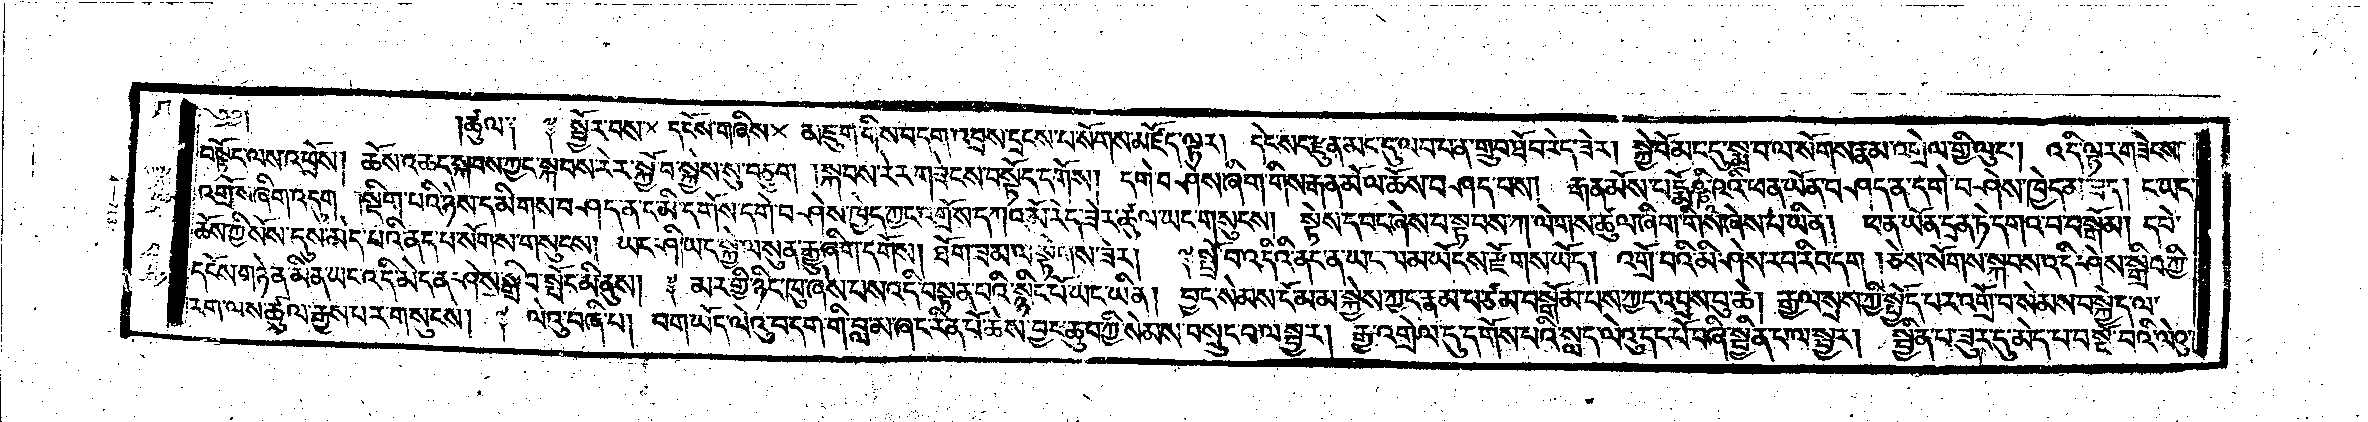༄༅། །ཚུལ༑ ༈ སྦྱོར་བས་྾་དངོས་གཞིས་྾་མཇུག་གིས་བདག་འབྲས་དྲངས་པ་སོགས་མཛོད་ལྟར། དེང་སང་རྫུན་མང་དུ་ལབ་པ་ན་གྲུབ་ཐོབ་རེད་ཟེར། སྐྱེ་བོ་མང་དུ་སྨྲ་བ་ལ་སོགས་རྣམ་འགྲེལ་གྱི་ལུང་། འདི་ལྟར་གཟེངས།
བསྟོད་ལས་འཕྲོས། ཆོས་འཆད་སྐབས་ཀྱང་སྐབས་རེར་སྐྱོ་བ་སྐྱེས་སུ་བཙུག །སྐབས་རེར་གཟེངས་བསྟོད་དགོས། དགེ་བཤེས་ཞིག་གིས་རྒན་མོ་ལ་ཆོས་བཤད་པས། རྒན་མོས་པདམོ་ཥྞཱི་ཥའི་ཕན་ཡོན་བཤད་ན་དགེ་བཤེས་ཁྱེད་མ་ཟད། ང་ཡང་
འགྲོས་ཞིག་འདུག །སྡིག་པའི་ཉེས་དམིགས་བཤད་ན་ང་མི་དགོས་དགེ་བཤེས་ཁྱེད་ཀྱང་འགྲོས་དཀའ་མོ་རེད་ཟེར་ཚུལ་ཡང་གསུངས། སྟེས་དབང་ཞེས་པ་སྟབས་ཀ་ལེགས་ཚུལ་ཞིག་གིས་ཞེས་པ་ཡིན། ཕན་ཡོན་དྲན་ཏེ་དགའ་བ་བསྒོམ། དཔེ་
ཆོས་ཀྱི་སོས་དུས་མེད་པའི་ནད་པ་སོགས་གསུངས། ཡང་ཤི་ཡང་སྐྱེ་ལ་སུན་རྒྱུ་ཞིག་དགོས། ཐོག་ཟམ་ལ་སྟེགས་ཟེར། ༈ སྤྲོ་བ་འདིའི་ནང་ན་ཡང་ལམ་ཡོངས་རྫོགས་ཡོད། འགྲོ་བའི་མི་ཤེས་རབ་རི་བདག །ཅེས་སོགས་སྐབས་འདི་ཤེས་སྒྲིབ་ཀྱི་
དངོས་གཉེན་མིན་ཡང་འདི་མེད་ན་ཤེས་སྒྲིབ་སྤོང་མི་ནུས། ༈ མར་གྱི་ཉིང་ཁུ་ཞེས་པས་འདི་བསྟན་པའི་སྙིང་པོ་ཡང་ཡིན། བྱང་སེམས་ངོ་མ་མ་སྐྱེས་ཀྱང་རྣམ་པ་ཙམ་བསྒོམ་པས་ཀྱང་འབྲས་བུ་ཆེ། རྒྱལ་སྲས་ཀྱི་སྤྱོད་པར་འགྲོ་བ་སེམས་བསྐྱེད་ལ་
རག་ལས་ཚུལ་རྒྱས་པར་གསུངས། ༈ ལེའུ་བཞི་པ། བག་ཡོད་ལེའུ་བདག་གི་བླ་མ་ཞང་རིན་པོ་ཆེས་བྱང་ཆུབ་ཀྱི་སེམས་བསྲུང་བ་ལ་སྦྱར། རྒྱ་འགྲེལ་དུ་དགོས་པའི་སླད་ལེའུ་དང་པོ་བཞི་སྦྱིན་པ་ལ་སྦྱར། སྦྱིན་པ་ཟུར་དུ་མེད་པ་བསྔོ་བའི་ལེའུ།